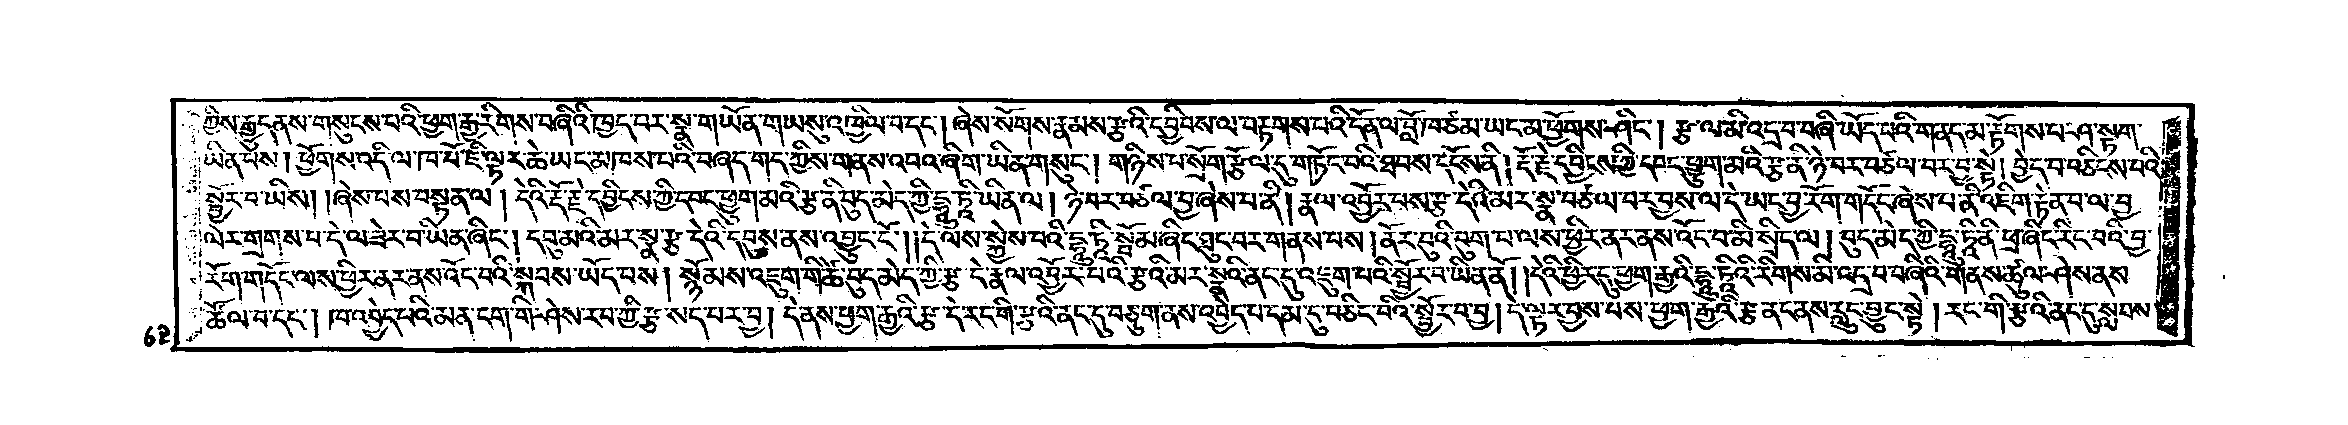ཀྱིས་རྒྱུད་ནས་གསུངས་པའི་ཕྱག་རྒྱ་རིགས་བཞིའི་ཁྱད་པར་སྣ་གཡོན་གཡས་སུ་འཁྱིལ་བ་དང་། ཞེས་སོགས་རྣམས་རྩའི་དབྱིབས་ལ་བརྟགས་པའི་དོན་ལ་བློ་ཁ་ཙམ་ཡང་མ་ཕྱོགས་ཤིང་། རྩ་ལ་མི་འདྲ་བ་བཞི་ཡོད་པའི་གནད་མ་རྟོགས་པ་ཤ་སྟག་
ཡིན་པས། ཕྱོགས་འདི་ལ་ཁ་པོ་ཇི་ལྟར་ཆེ་ཡང་མཁས་པའི་བཞད་གད་ཀྱིས་གནས་འབའ་ཞིག་ཡིན་གསུང་། གཉིས་པ་སྲོག་རྩོལ་དུ་གཏོང་བའི་ཐབས་དངོས་ནི། རྡོ་རྗེ་དབྱིངས་ཀྱི་དབང་ཕྱུག་མའི་རྩ་ནི་ཉེ་བར་བཙལ་བར་བྱ་སྟེ། བྱེད་པ་བཅིངས་པའི་
སྦྱོར་བ་ཡིས། །ཞེས་པས་བསྟན་ལ། དེའི་རྡོ་རྗེ་དབྱིངས་ཀྱི་དབང་ཕྱུག་མའི་རྩ་ནི་བུད་མེད་ཀྱི་དྷཱུ་ཏཱི་ཡིན་ལ། ཉེ་བར་བཙལ་བྱ་ཞེས་པ་ནི། རྣལ་འབྱོར་པས་རྩ་དེའི་མར་སྣ་བཙལ་བར་བྱས་ལ་དེ་ཡང་བྱ་རོག་གདོང་ཞེས་པ་ནི་འཇིག་རྟེན་པ་ལ་བྱ་
ལེར་གྲགས་པ་དེ་ལ་ཟེར་བ་ཡིན་ཞིང་། དབུ་མའི་མར་སྣ་རྩ་དེའི་དབུས་ནས་འབྱུང་ངོ། །དེ་ལས་སྐྱེས་པའི་དྷཱུ་ཏཱི་སྦོམ་ཞིང་ཐུང་བར་གནས་པས། ནོར་བུའི་བུག་པ་ལས་ཕྱིར་ནར་ནས་འོང་བ་མི་སྲིད་ལ། བུད་མེད་ཀྱི་དྷཱུ་ཏཱི་ནི་ཕྲ་ཞིང་རིང་བའི་བྱ་
རོག་གདོང་ལས་ཕྱིར་ནར་ནས་འོང་བའི་སྐབས་ཡོད་པས། སྙོམས་འཇུག་གི་ཚེ་བུད་མེད་ཀྱི་རྩ་དེ་རྣལ་འབྱོར་པའི་རྩའི་མར་སྣའི་ནང་དུ་འཇུག་པའི་སྦྱོར་བ་ཡིན་ནོ། །དེའི་ཕྱིར་དུ་ཕྱག་རྒྱའི་དྷཱུ་ཏཱིའི་རིགས་མི་འདྲ་བ་བཞིའི་གནས་ཚུལ་ཤེས་ནས་
ཚོལ་བ་དང་། ཁ་འབྱེད་པའི་མན་ངག་གི་ཤེས་རབ་ཀྱི་རྩ་སད་པར་བྱ། དེ་ནས་ཕྱག་རྒྱའི་རྩ་དེ་རང་གི་རྩའི་ནང་དུ་བཅུག་ནས་འབྱེད་པ་དམ་དུ་བཅིང་བའི་སྦྱོར་བ་བྱ། དེ་ལྟར་བྱས་པས་ཕྱག་རྒྱའི་རྩ་ནང་ནས་རླུང་བྱུང་སྟེ། རང་གི་རྩའི་ནང་དུ་སླབས་